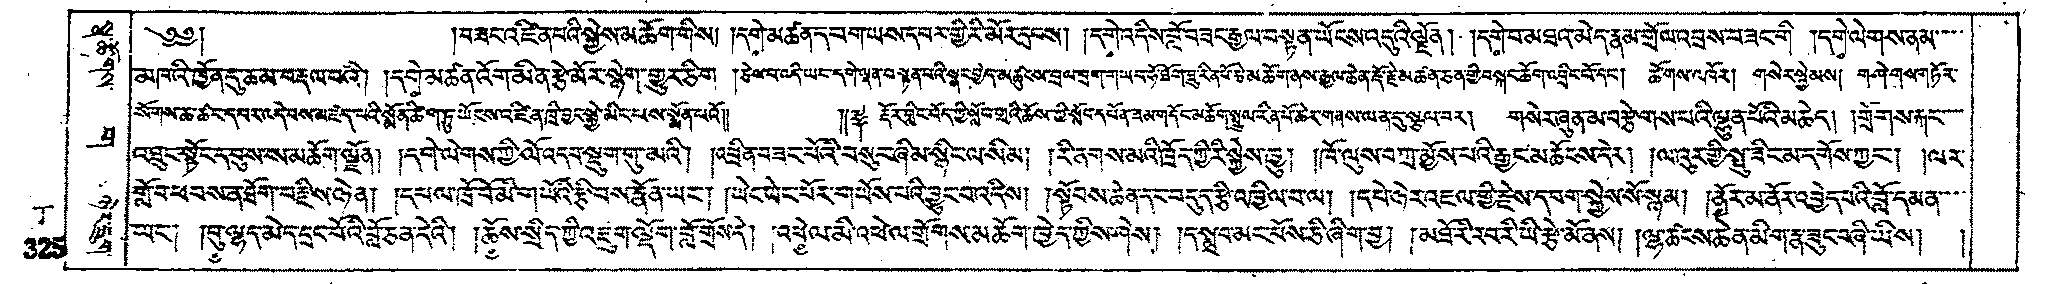༄༅། །བཟང་འཛིན་པའི་སྐྱེས་མཆོག་གིས། །དགེ྾་མཚན་དཔག་ཡས་དཔར་གྱི་རི་མོར་དྲངས། །དགེ྾་འདིས་བློ་བཟང་རྒྱལ་བསྟན་ཡོངས་འདུའི་ལྗོན། །དགེ྾་བ་མཐའ་མེད་རྣམ་གྲོལ་འབྲས་བཟང་གི །དགེ྾་ལེགས་ནམ་་་
མཁའི་ཁྱོན་དུ་ཆམ་བརྡལ་བའི། །དགེ྾་མཚན་འོག་མིན་རྩེ་མོར་སྙེག་གྱུར་ཅིག །ཅེས་པ་འདི་ཡང་དགེ་ལྡན་བསྟན་པའི་སྣང་བྱེད་མཚུངས་བྲལ་བྲག་གཡབ་ཧོ་ཐོག་ཐུ་རིན་པོ་ཆེ་མཆོག་ནས་རྒྱལ་ཆེན་རྡོ་རྗེ་མཚན་ཅན་གྱི་བསྐང་ཆོག་འབྲིང་བོ་དང་། ཚོགས་འཁོར། གསེར་སྐྱེམས། གཤེགས་གཏོར་
སོགས་ཆ་ཚང་དཔར་འདེབས་མཛད་པའི་སྨོན་ཚིག་ཏུ་ཡོངས་འཛིན་ཁྲི་བྱང་སྐྱེ་མིང་པས་སྨོན་པའོ།། །།འ་རྡོར་གླིང་བོད་ཀྱི་སློབ་གྲའི་ཆོས་ཀྱི་སློབ་དཔོན་ཟམ་གདོང་མཆོག་སྤྲུལ་རིན་པོ་ཆེར་གནས་ལན་དུ་སྩལ་བར། གསེར་ཞུན་མ་བརྩེགས་པའི་ལྷུན་པོའི་མཆེད། །གྲོགས་རྐང་་་
འཐུང་སྟོང་དབུས་ས་མཆོག་ལྗོན། །དགེ་ལེགས་ཀྱི་ལོ་འདབ་སྡུག་གུ་མའི། །འཕྲིན་བཟང་པོའི་བསུང་ཞིམ་སྙིང་ལ་སིམ། །རི་ནགས་མའི་ཁྲོད་ཀྱི་རི་སྐྱེས་ཁྱུ། །ཁོ་ལུས་བཀྲ་མྱོས་པའི་རྒྱང་མཆོངས་དེར། །ལ་འུར་གྱི་སྤུ་ཟིང་མ་དགོས་ཀྱང་། །ལར་
གློ་བ་ཕབས་ན་ཐོག་བརྗིས་ཉེན། །དཔལ་ཁྲོ་བོ་མི་གཡོའི་རྩིབས་རྣོན་ཡང་། །ཡེང་ཡེང་པོར་གཡོས་པའི་བྱུང་བ་འདིས། །སྟོབས་ཆེན་དང་བདུད་རྩི་འཁྱིལ་བ་ལ། །དཔེ་ཉེར་འཇལ་གྱི་རྗེས་དཔག་སྐྱེས་སོ་སྙམ། །ནོར་མ་ནོར་འབྱེད་པའི་བློ་དམན་་་
ཡང་། །བུ་ལྷད་མེད་དྲང་པོའི་བློ་ཅན་དེའི། །ཆོས་སྲིད་ཀྱི་འཇུག་ལྡོག་བློ་གྲོས་དེ། །འཕེལ་མི་འཕེལ་གྲོགས་མཆོག་ཁྱེད་ཀྱིས་ཤེས། །ད་སྨྲ་བ་མང་པོས་ཅི་ཞིག་བྱ། །མཐོ་རི་རབ་རི་ཡི་རྩེ་མོ་ནས། །ལྷ་ཚངས་ཆེན་མིག་རྣ་ཟུང་བཞི་ཡིས། །